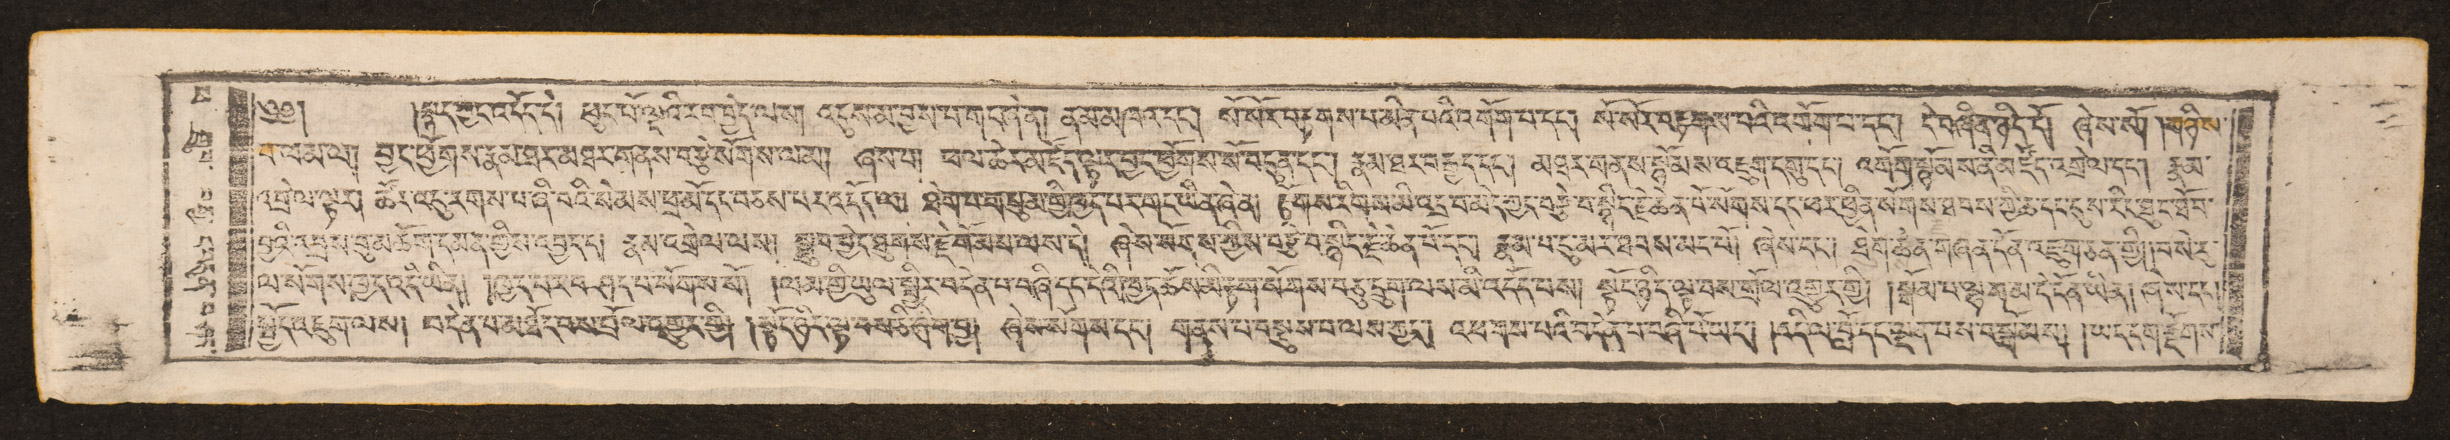༄༅། །སྙད་ཀྱང་འདོད་དེ། ཕུང་པོ་ལྔའི་རབ་བྱེད་ལས། འདུས་མ་བྱས་བ་གང་ཞེ་ན། ནམ་མཁའ་དང་། སོ་སོར་བརྟགས་པ་མིན་པའི་འགོག་པ་དང་། སོ་སོར་བརྟགས་པའི་འགོག་པ་དང་། དེ་བཞིན་ཉིད་དོ། ཞེས་སོ། །གཉིས་
པ་ལམ་ལ། བྱང་ཕྱོགས་རྣམ་ཐར་མཐར་གནས་བརྩེ་སོགས་ལམ། ཞེས་པ། ཕལ་ཆེར་མཛོད་ལྟར་བྱང་ཕྱོགས་སོ་བདུན་དང་། རྣམ་ཐར་བརྒྱད་དང་། མཐར་གནས་སྙོམས་འཇུག་དགུ་དང་། འགོག་སྙོམས་ནི་མཛོད་འགྲེལ་དང་། རྣམ་
འགྲེལ་ལྟར། ཚོར་འདུ་རགས་བཞི་བའི་སེམས་ཕ་མོ་དང་བཅས་པར་འདོད་ལ། ཐེག་པ་གསུམ་གྱི་ཁྱོད་བར་གང་ཡིན་ཞེ་ན། རྟོགས་རིགས་མི་འདབ་མེད་ཀྱང་བརྩེ་བ་སྙིང་རྗེ་ཆེན་པོ་སོགས་དང་ཕར་ཕྱིན་སོགས་ཐབས་ཀྱི་ཆ་དང་དུས་རིང་ཐུང་ཐོབ་
བྱའི་འབྲས་བུ་མཆོག་དམན་གྱིས་འབྱེད་དོ། རྣམ་འགྲེལ་ལས། སྒྲུབ་བྱེད་ཐུགས་རྗེ་གོམས་ལས་དེ། །ཞེས་སོགས་ཀྱིས་བརྩེ་བ་སྙིང་རྗེ་ཆེན་པོ་དང་། རྣམ་བ་དུ་མར་ཐབས་མེད་པོ། ཞེས་དང་། ཐེག་ཆེན་གཞན་དོན་འཇུག་ཅན་གྱི། །བསེ་རུ་
ལ་སོགས་ཁྱད་འདི་ཡིན། །ཁྱད་པར་བཤད་བ་སོགས་སོ། །ལམ་གྱི་ཡུལ་སྤྱིར་བདེན་བ་བཞི་དང་དེའི་ཁྱད་ཆོས་མི་རྟག་སོགས་བཅུ་དྲུག་ལས་མི་འདོད་པས། སྟོང་ཉིད་ལྟབས་གྲོལ་འགྱུར་གྱི། །སྒོམ་པ་ལྷག་མ་དེ་དོན་ཡིན། ཞེས་དང་།
སྤྱད་འཇུག་ལས། བདེན་པ་མཐོང་བས་བོལ་འགྱུར་གྱི། །སྟོང་ཉིད་ལྟ་བས་ཅི་ཞིག་བྱ། ཞེས་སོགས་དང་། གནས་པ་བསྡུས་པ་ལས་ཀྱང་། འཕགས་པའི་བདེན་པ་བཞི་པོ་ཡང་། །འདི་ལ་བློ་དང་ལྡན་པས་བསྒོམས། །ཡང་དག་རྫོགས་